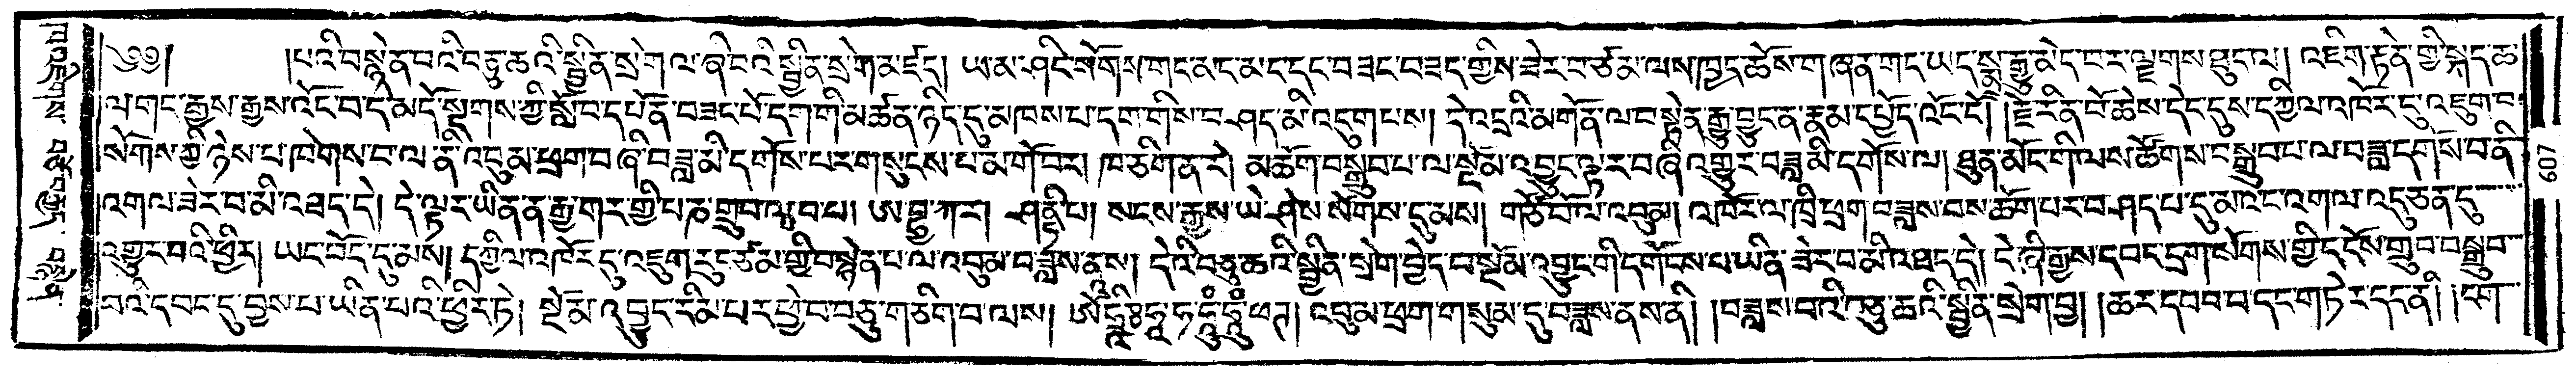༄༅། །པའི་བསྙེན་པའི་བཅུ་ཆའི་སྦྱིན་སྲེག་ལ་ཞི་བའི་སྦྱིན་སྲེག་མཛད། ཡམ་ཤིང་སོགས་གང་མང་མང་དང་བཟང་བཟད་གྱིས་ཟེར་པ་ཙམ་ལས་ཁྱད་ཆོས་གཞན་གང་ཡང་སྨྲ་རྒྱུ་མེད་པར་ལྗགས་ཐུང་ལ། འཇིག་རྟེན་གྱི་སྐད་ཆ་
ལ་གང་རྒྱས་རྒྱས་འོང་བ་དེ་མདོ་སྔགས་ཀྱི་སློབ་དཔོན་བཟང་པོ་དག་གི་མཚན་ཉིད་དུ་མཁས་པ་དག་གིས་བཤད་མི་འདུག་པས། དེ་འདྲའི་མགོན་ལ་བསྟེན་རྒྱུ་བྱུང་ན་རྣམ་དཔྱོད་འོང་ངོ། །རྗེ་རིན་པོ་ཆེས་དེང་དུས་དཀྱིལ་འཁོར་དུ་འཇུག་པ་
སོགས་ཀྱི་ཉེས་པ་ཁེགས་བ་ལ་ནི་འབུམ་ཕྲག་བཞི་བཟླ་མི་དགོས་པར་གསུངས་པ་མགོ་བར། ཁ་ཅིག་ན་རེ། མཆོག་བསྒྲུབ་པ་ལ་སྡོམ་འབྱུང་ལྟར་བཞི་འགྱུར་བཟླ་མི་དགོས་ལ། ཐུན་མོང་གི་ལས་ཚོགས་བསྒྲུབ་པ་ལ་བཟླ་དགོས་པ་ནི་
འགལ་ཟེར་བ་མི་འཐད་དེ། དེ་ལྟར་ཡིན་ན་རྒྱ་གར་གྱི་པཎ་གྲུབ་ཝབ?་པ། ཨ་བྷྱ་ཀར། ཤནྟི་པ། སངས་རྒྱས་ཡེ་ཤེས་སོགས་དུ་མས། གཙོ་བོ་ལ་འབུམ། འཁོར་ལ་ཁྲི་ཕྲག་བཟླས་པས་ཆོག་པར་བཤད་པ་དུ་མའང་འགལ་འདུ་ཅན་དུ་
འགྱུར་བའི་ཕྱིར། ཡང་བོད་དུ་མས། དཀྱིལ་འཁོར་དུ་འཇུག་རུང་ཙམ་གྱི་བསྙེན་པ་ལ་འབུམ་བཟླས་ནས། དེའི་བཅུ་ཆའི་སྦྱིན་སྲེག་བྱེད་པ་སྡོམ་འབྱུང་གི་དགོངས་པ་ཡིན་ཟེར་བ་མི་འཐད་དེ། དེ་ཞི་རྒྱས་དབང་དྲག་སོགས་གྱི་དངོས་གྲུབ་བསྒྲུབ་
པའི་དབང་དུ་བྱས་པ་ཡིན་པའི་ཕྱིར་ཏེ། སྔོམ་འབྱུང་རིམ་པར་ཕྱེ་བ་བཅུ་གཅིག་པ་ལས། ཨོཾ་ཧྲཱིཿཧཱ་ཧ་ཧཱུཾ་ཧཱུཾ་ཕཊ། འབུམ་ཕྲག་གསུམ་དུ་བཟླས་ནས་ནི། །བཟླས་པའི་བཅུ་ཆའི་སྦྱིན་སྲེག་བྱ། །ཆར་དབབ་པ་དང་གཏེར་དང་ནི། །ངག་